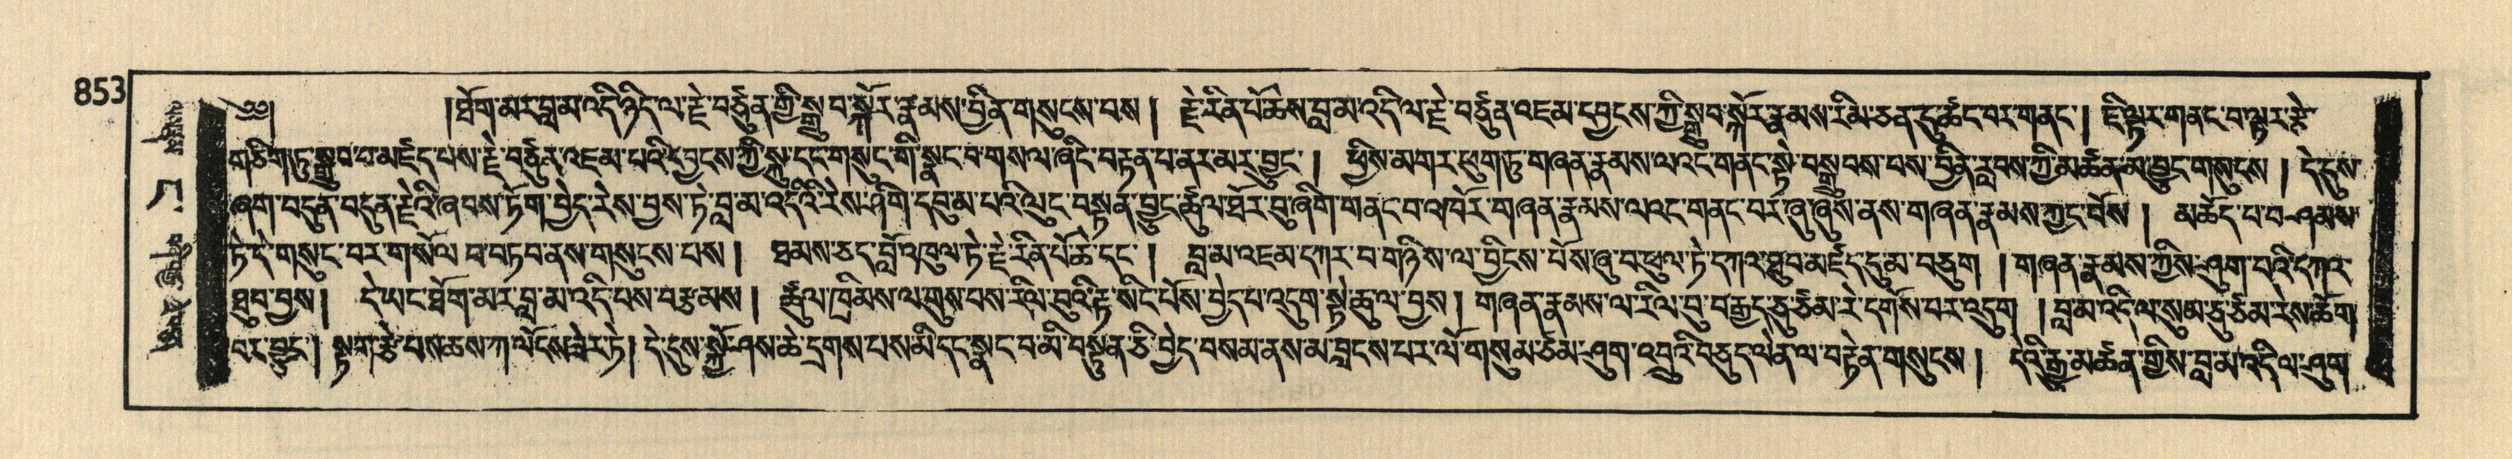༄༅། །ཐོག་མར་བླ་མ་འདི་ཉིད་ལ་རྗེ་བཙུན་གྱི་སྒྲུབ་སྐོར་རྣམས་བྱིན་གསུངས་པས། རྗེ་རིན་པོ་ཆེས་བླ་མ་འདི་ལ་རྗེ་བཙུན་འཇམ་དབྱངས་ཀྱི་སྒྲུབ་སྐོར་རྣམས་རིམ་ཅན་དུ་ཚང་བར་གནང་། ཇི་ལྟར་གནང་བ་ལྟར་རྩེ་
གཅིག་ཏུ་སྒྲུབ་བ་མཛད་པས་རྗེ་བཙུན་འཇམ་པའི་དབྱངས་ཀྱི་སྐུ་དང་གསུང་གི་སྣང་བ་གསལ་ཞིང་བརྟན་པ་ནར་མར་བྱུང་། ཕྱིས་མགར་ཕུག་ཏུ་གཞན་རྣམས་ལའང་གནང་སྟེ་བསྒྲུབས་པས་བྱིན་རླབས་ཀྱི་མཚན་མ་བྱུང་གསུངས། དེ་དུས་
ཞག་བདུན་བདུན་རྗེའི་ཞབས་ཏོག་བྱེད་རེས་བྱས་ཏེ་བླ་མ་འདིའི་རེས་ཤིག་དབུ་མ་པའི་ལུང་བསྟན་བྱུང་ཚུལ་ཐོར་བུ་ཞིག་གནང་བའི་འཁོར་གཞན་རྣམས་ལའང་གནང་བར་ཞུ་ཞུས་ནས་གཞན་རྣམས་ཀྱང་བོས། མཆོད་པ་བཤམས་
ཏེ་དེ་གསུང་བར་གསོལ་བ་བཏབ་ནས་གསུངས་པས། ཐམས་ཅད་བློ་འཁྲུལ་ཏེ་རྗེ་རིན་པོ་ཆེ་དང་། བླ་མ་འཇམ་དཀར་བ་གཉིས་ལ་བྱིངས་པོས་ཞུ་བ་ཕུལ་ཏེ་དཀའ་ཐུབ་མཛད་དུ་མ་བཅུག །གཞན་རྣམས་ཀྱིས་ཤུགས་པའི་དཀའ་
ཐུབ་བྱས། དེ་ཡང་ཐོག་མར་བླ་མ་འདི་བས་བརྩམས། ཚུལ་ཁྲིམས་ལ་གུས་པས་རིལ་བུའི་རྟ་སིང་པོས་བྱེད་པ་འདུག་སྟེ་ཆུ་ལ་བྱས། གཞན་རྣམས་ལ་རིལ་བུ་བརྒྱད་ཅུ་ཙམ་རེ་དགོས་པར་འདུག །བླ་མ་འདི་ལ་སུམ་ཅུ་ཙམ་རེས་ཆོག་
བར་བྱུང་། སྟག་རྩེ་པས་ཆས་ཀ་ལོངས་ཟེར་ཏེ། དེ་དུས་སྐྱོ་ཤས་ཆེ་དྲགས་པས་མི་དང་སྣང་བ་མི་བསྟུན་ཅི་བྱེད་བསམ་ནས་མ་བླངས་པར་ལོ་གསུམ་ཙམ་ཤུག་འབྲུའི་བཅུད་ལེན་ལ་བརྟེན་གསུངས། དེའི་རྒྱུ་མཚན་གྱིས་བླ་མ་འདི་ལ་ཤུག་